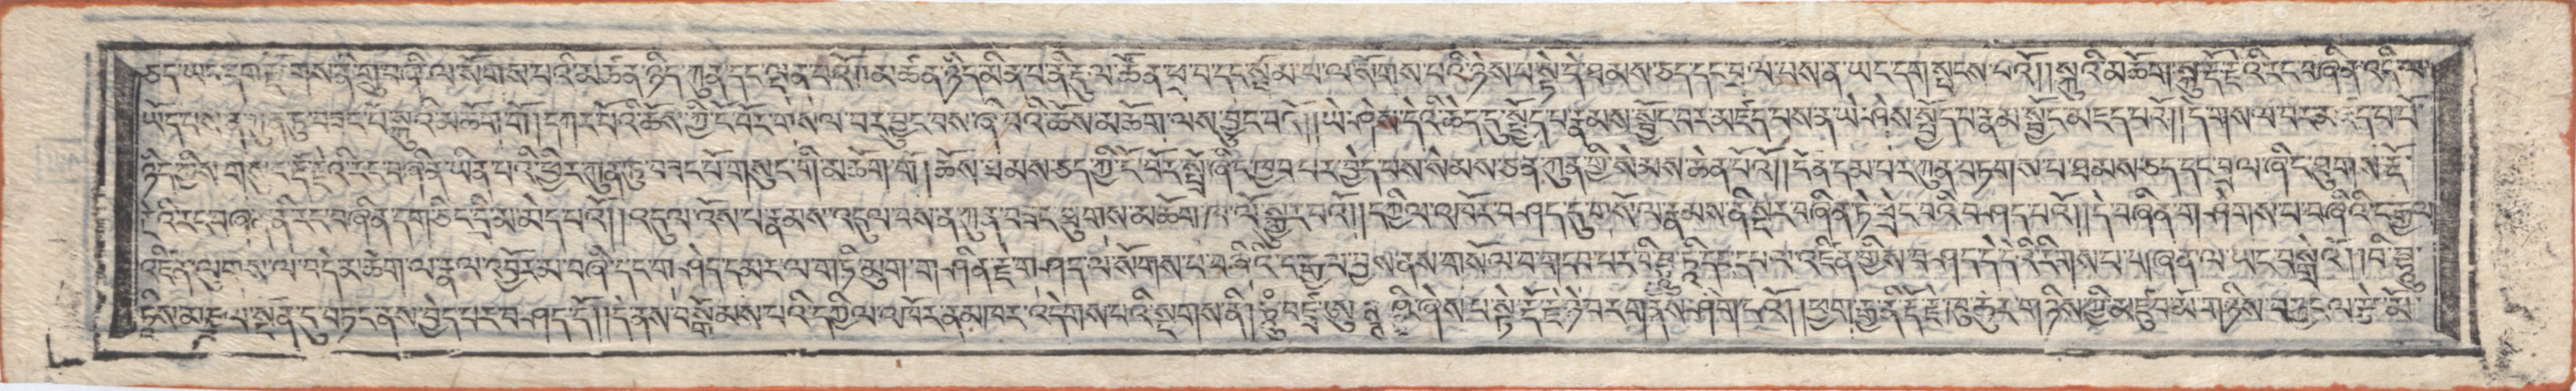ཅད་ཡང་དག་རྫོགས་ནི་གྲུ་བཞི་ལ་སོགས་པའི་མཚན་ཉིད་ཀུན་དང་ལྡན་པའོ། །མཚན་ཉིད་མིན་པ་ནི་རྡུལ་ཚོན་ཕྲ་བ་དང་སྦོམ་པ་ལ་སོགས་པའི་ཉེས་པ་སྟེ་དེ་ཐམས་ཅད་དང་བྲལ་བས་ན་ཡང་དག་སྤངས་པའོ། །སྐུའི་མཆོག་སྐུ་རྡོ་རྗེའི་རང་བཞིན་འདི་ལ་
ཡོད་པས་ན་ཀུན་ཏུ་བཟང་པོ་སྐུའི་མཆོག་གོ །དཀར་པོའི་ཆོས་ཀྱི་ངོ་བོར་གསལ་བར་བྱུང་བས་ཞི་བའི་ཆོས་མཆོག་ལས་བྱུང་བའོ། །ཡེ་ཤེས་དེའི་ཆེད་དུ་སྤྱོད་པ་རྣམས་སྦྱོང་བར་མཛད་པས་ན་ཡེ་ཤེས་སྤྱོད་པ་རྣམ་སྦྱོང་མཇད་པའོ། །དེ་གསལ་བར་མཛད་པ་པོ་
ཉིད་ཀྱིས་གསུང་རྡོ་རྗེའི་རང་བཞིན་ཡིན་པའི་ཕྱིར་ཀུན་ཏུ་བཟང་པོ་གསུང་གི་མཆོག་གོ །ཆོས་ཐམས་ཅད་ཀྱི་ངོ་བོར་སྤྲོ་ཞིང་ཁྱབ་པར་བྱེད་པས་སེམས་ཅན་ཀུན་གྱི་སེམས་ཆེན་པོའོ། །དོན་དམ་པར་ཀུན་བཏགས་པ་ཐམས་ཅད་དང་བྲལ་ཞིང་ཐུགས་རྡོ་
རྗེའི་རང་བཞིན་ནི་རང་བཞིན་དག་ཅིང་དྲི་མ་མེད་པའོ། །འདུལ་འོས་པ་རྣམས་འདུལ་བས་ན་ཀུན་བཟང་ཐུགས་མཆོག་ཁ་ལོ་སྒྱུར་བའོ། །དཀྱིལ་འཁོར་བཤད་དུ་གསོལ་རྣམས་ནི་སྔར་བཞིན་ཏེ་ཕྲེང་བའི་བཤད་པའོ། །དེ་བཞིན་གཤེགས་པ་བཞིའི་ང་རྒྱལ་
འཛིན་ལུགས་ལ་བདེ་མཆོག་ལ་རྣལ་འབྱོར་མ་བཞི་དང་གཤེད་དམར་ལ་གཏི་མུག་གཤིན་རྗེ་གཤད་ལ་སོགས་པ་བཞིའི་ང་རྒྱལ་བྱས་ནས་གསོལ་བ་གདབ་པར་བི་བྷཱུ་ཏཱི་དང་དཔལ་འཛིན་གྱིས་བཤད་དེ་དེའི་རིགས་པ་གཞན་ལ་ཡང་བསྒྲེའོ། །བི་བྷཱུ་
ཏཱིས་མཎྜལ་སྔོན་དུ་བཏང་ནས་བྱེད་པར་བཤད་དོ། །དེ་ནས་བསྒོམས་པའི་དཀྱིལ་འཁོར་ནམ་མཁར་འདེགས་པའི་སྔགས་ནི། ཧཱུཾ་བཛྲ་ཨུཊྚ་ཥཱྲི་?་ཞེས་པ་སྟེ་རྡོ་རྗེ་ཉེ་བར་གནོས་ཤིག་པའོ། །ཕྱག་རྒྱ་ནི་རྡོ་རྗེ་ཁུ་ཚུར་གཉིས་ཀྱི་མཛུབ་མོ་གཉིས་བརྐྱང་ལ་རྩེ་མོ་